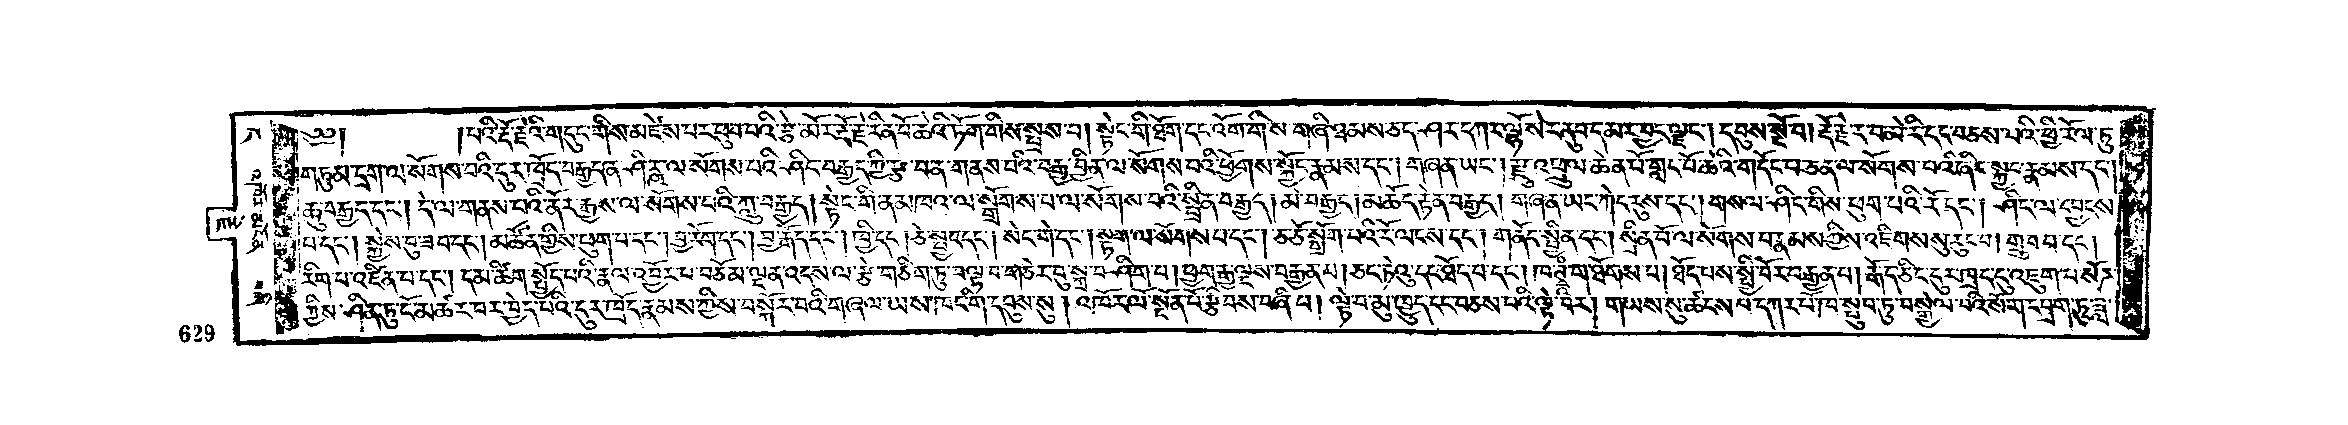༄༅། །པའི་རྡོ་རྗེའི་གདུང་གིས་མཛེས་པར་ཕུབ་པའི་རྩེ་མོར་རྡོ་རྗེ་རིན་པོ་ཆེའི་ཏོག་གིས་སྤྲས་པ། སྟེང་གི་ཐོག་དང་འོག་གིས་གཞི་ཐམས་ཅད་ཤར་དཀར་ལྷོ་སེར་ནུབ་དམར་བྱང་ལྗང་། དབུས་སྔོ་བ། རྡོ་རྗེ་ར་བ་མེ་རི་དང་བཅས་པའི་ཕྱི་རོལ་ཏུ་
གཏུམ་དྲག་ལ་སོགས་པའི་དུར་ཁྲོད་བརྒྱད་ན་ཤིརྵ་ལ་སོགས་པའི་ཤིང་བརྒྱད་ཀྱི་རྩ་བ་ན་གནས་པའི་བརྒྱ་བྱིན་ལ་སོགས་པའི་ཕྱོགས་སྐྱོང་རྣམས་དང་། གཞན་ཡང་། རྡུ་འཕྲུལ་ཆེན་པོ་གླང་པོ་ཆེའི་གདོང་པ་ཅན་ལ་སོགས་པའི་ཞིང་སྐྱབ་རྣམས་དང་།
ཆུ་བརྒྱད་དང་། དེ་ལ་གནས་པའི་ནོར་རྒྱས་ལ་སོགས་པའི་ཀླུ་བརྒྱད། སྟེང་གི་ནམ་མཁའ་ལ་སྒྲོགས་པ་ལ་སོགས་པའི་སྤྲིན་བརྒྱད། མེ་བརྒྱད། མཆོད་རྟེན་བརྒྱད། གཞན་ཡང་ཀེང་རུས་དང་། གསལ་ཤིང་གིས་ཕུག་པའི་རོ་དང་། ཤིང་ལ་དབྱངས་
པ་དང་། སྐྱེས་བུ་ཟབ་དང་། མཚོན་གྱིས་ཕུག་པ་དང་། བྱ་རོག་དང་། བྱ་རྒོད་དང་། ཁྱི་དང་། ཅེ་སྤྱང་དང་། སེང་གེ་དང་། སྟག་ལ་སོགས་པ་དང་། ཅ་ཅོ་སྒྲོག་པའི་རོ་ལངས་དང་། གནོད་སྦྱིན་དང་། སྲིན་པོ་ལ་སོགས་པ་རྣམས་ཀྱིས་འཇིགས་སུ་རུང་བ། གྲུབ་པ་དང་།
རིག་པ་འཛིན་པ་དང་། དམ་ཚིག་སྤྱོད་པའི་རྣལ་འབྱོར་པ་བཅོམ་ལྡན་འདས་ལ་རྩེ་གཅིག་ཏུ་བལྟ་བ་གཅེར་བུ་སྐྲ་བཤིག་པ། ཕྱག་རྒྱ་ལྔས་བརྒྱན་པ། ཅང་ཏེའུ་དང་ཐོད་པ་དང་། ཁ་ཊྭཱཾ་ག་ཐོགས་པ། ཐོད་པས་སྤྱི་བོར་བརྒྱན་པ། རྒོད་ཅིང་དུར་ཁྲོད་དུ་འཇུག་པ་སོགས་
ཀྱིས་ཤིན་ཏུ་ངོ་མཚར་བར་བྱེད་པའི་དུར་ཁྲོད་རྣམས་ཀྱིས་བསྐོར་བའི་གཞལ་ཡས་ཁང་གི་དབུས་སུ། འཁོར་ལོ་སྔོན་པོ་རྩིབས་བཞི་པ། ལྟེ་བ་མུ་ཁྱུད་དང་བཅས་པའི་ལྟེ་བར། གཡས་སུ་ཚངས་པ་དཀར་པོ་ཁ་སྤུབ་ཏུ་བསྐྱེལ་བའི་སོག་དབྲག་ཏུ་ཟླ་